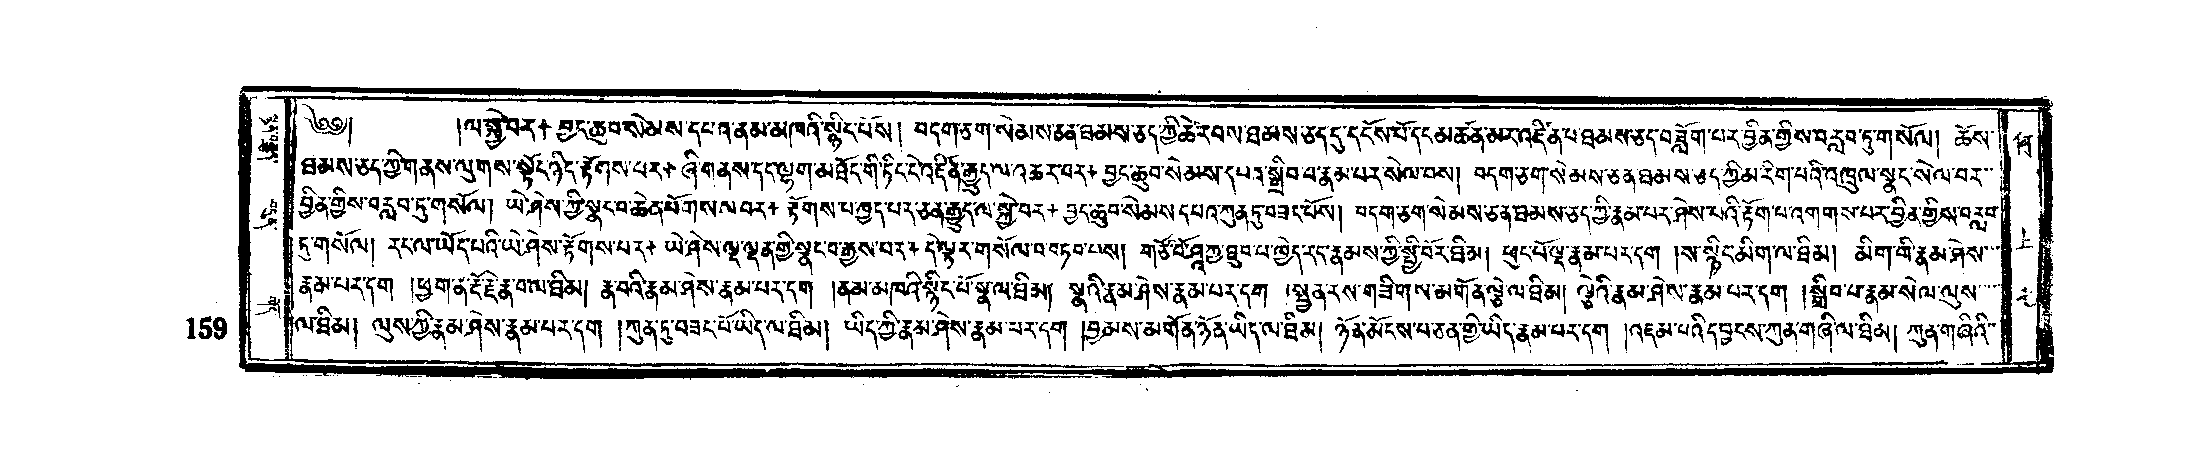༄༅། །ལ་སྐྱེ་བར་+་བྱང་ཆུབ་སེམས་དཔའ་ནམ་མཁའི་སྙིང་པོས། བདག་ཅག་སེམས་ཅན་ཐམས་ཅད་ཀྱི་ཚེ་རབས་ཐམས་ཅད་དུ་དངོས་པོ་དང་མཚན་མར་འཛིན་པ་ཐམས་ཅད་བཟློག་པར་བྱིན་གྱིས་བརླབ་ཏུ་གསོལ། ཆོས་
ཐམས་ཅད་ཀྱི་གནས་ལུགས་སྟོང་ཉིད་རྟོགས་པར་+་ཞི་གནས་དང་ལྷག་མཐོང་གི་ཏིང་ངེ་འཛིན་རྒྱུད་ལ་འཆར་བར་+་བྱང་ཆུབ་སེམས་དཔའ་སྒྲིབ་པ་རྣམ་པར་སེལ་བས། བདག་ཅག་སེམས་ཅན་ཐམས་ཅད་ཀྱི་མ་རིག་པའི་འཁྲུལ་སྣང་སེལ་བར་
བྱིན་གྱིས་བརླབ་ཏུ་གསོལ། ཡེ་ཤེས་ཀྱི་སྣང་བ་ཆེན་པོ་གསལ་བར་+་རྟོགས་པ་ཁྱད་པར་ཅན་རྒྱུད་ལ་སྐྱེ་བར་+་བྱང་ཆུབ་སེམས་དཔའ་ཀུན་ཏུ་བཟང་པོས། བདག་ཅག་སེམས་ཅན་ཐམས་ཅད་ཀྱི་རྣམ་པར་ཤེས་པའི་རྟོག་པ་འགགས་པར་བྱིན་གྱིས་བརླབ་
ཏུ་གསོལ། རང་ལ་ཡོད་པའི་ཡེ་ཤེས་རྟོགས་པར་+་ཡེ་ཤེས་ལྔ་ལྡན་གྱི་སྣང་བ་རྒྱས་པར་+་དེ་ལྟར་གསོལ་བ་བཏབ་པས། གཙོ་བོ་ཤཱཀྱ་ཐུབ་པ་ཁྱེད་རང་རྣམས་ཀྱི་སྤྱི་བོར་ཐིམ། ཕུང་པོ་ལྔ་རྣམ་པར་དག །ས་སྙིང་མིག་ལ་ཐིམ། མིག་གི་རྣམ་ཤེས་
རྣམ་པར་དག །ཕྱག་ན་རྡོ་རྗེ་རྣ་བ་ལ་ཐིམ། རྣ་བའི་རྣམ་ཤེས་རྣམ་པར་དག །ནམ་མཁའི་སྙིང་པོ་སྣ་ལ་ཐིམ། སྣའི་རྣམ་ཤེས་རྣམ་པར་དག །སྤྱན་རས་གཟིགས་མགོན་ལྕེ་ལ་ཐིམ། ལྕེའི་རྣམ་ཤེས་རྣམ་པར་དག །སྒྲིབ་པ་རྣམ་སེལ་ལུས་
ལ་ཐིམ། ལུས་ཀྱི་རྣམ་ཤེས་རྣམ་པར་དག །ཀུན་ཏུ་བཟང་པོ་ཡིད་ལ་ཐིམ། ཡིད་ཀྱི་རྣམ་ཤེས་རྣམ་པར་དག །བྱམས་མགོན་ཉོན་ཡིད་ལ་ཐིམ། ཉོན་མོངས་པ་ཅན་གྱི་ཡིད་རྣམ་པར་དག །འཇམ་པའི་དབྱངས་ཀུན་གཞི་ལ་ཐིམ། ཀུན་གཞིའི་